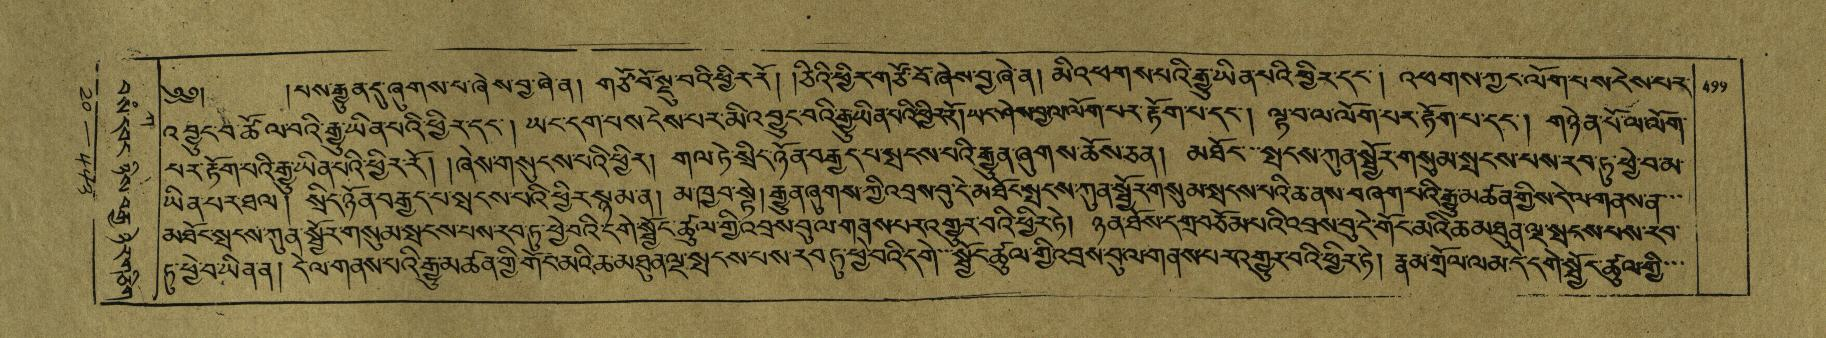༄༅། །པས་རྒྱུན་དུ་ཞུགས་པ་ཞེས་བྱ་ཞེ་ན། གཙོ་བོ་སྡུ་བའི་ཕྱིར་རོ། །ཅིའི་ཕྱིར་གཙོ་བོ་ཞེས་བྱ་ཞེ་ན། མི་འཕགས་པའི་རྒྱུ་ཡིན་པའི་ཕྱིར་དང་། འཕགས་ཀྱང་ལོག་པས་ངེས་པར་
འབྱུང་བ་ཚོལ་བའི་རྒྱུ་ཡིན་པའི་ཕྱིར་དང་། ཡང་དག་པས་ངེས་པར་མི་འབྱུང་བའི་རྒྱུ་ཡིན་པའི་ཕྱིར་རོ། ཡང་ཤེས་བྱ་ལ་ལོག་པར་རྟོག་པ་དང་། ལྟ་བ་ལ་ལོག་པར་རྟོག་པ་དང་། གཉེན་པོ་ལ་ལོག་
པར་རྟོག་པའི་རྒྱུ་ཡིན་པའི་ཕྱིར་རོ། །ཞེས་གསུངས་པའི་ཕྱིར། གལ་ཏེ་སྲིད་ཉོན་བརྒྱད་པ་སྤངས་པའི་རྒྱུན་ཞུགས་ཆོས་ཅན། མཐོང་སྤངས་ཀུན་སྦྱོར་གསུམ་སྤངས་པས་རབ་ཏུ་ཕྱེ་བ་མ་
ཡིན་པར་ཐལ། སྲིད་ཉོན་བརྒྱད་པ་སྤངས་པའི་ཕྱིར་སྙམ་ན། མ་ཁྱབ་སྟེ། རྒྱུན་ཞུགས་ཀྱི་འབྲས་བུ་དེ་མཐོང་སྤངས་ཀུན་སྦྱོར་གསུམ་སྤངས་པའི་ཆ་ནས་བཞག་པའི་རྒྱུ་མཚན་གྱིས་དེ་ལ་གནས་ན་
མཐོང་སྤངས་ཀུན་སྦྱོར་གསུམ་སྤངས་པས་རབ་ཏུ་ཕྱེ་བའི་དགེ་སྦྱོང་ཚུལ་གྱི་འབྲས་བུ་ལ་གནས་པར་འགྱུར་བའི་ཕྱིར་ཏེ། ཉན་ཐོས་དགྲ་བཅོམ་པའི་འབྲས་བུ་དེ་གོང་མའི་ཆ་མཐུན་ལྔ་སྤངས་པས་རབ་
ཏུ་ཕྱེ་བ་ཡིན་ན། དེ་ལ་གནས་པའི་རྒྱུ་མཚན་གྱི་གོང་མའི་ཆ་མཐུན་ལྔ་སྤངས་པས་རབ་ཏུ་ཕྱེ་བའི་དགེ་སྦྱོང་ཚུལ་གྱི་འབྲས་བུ་ལ་གནས་པར་འགྱུར་བའི་ཕྱིར་ཏེ། རྣམ་གྲོལ་ལམ་དེ་དགེ་སྦྱོང་ཚུལ་གྱི་